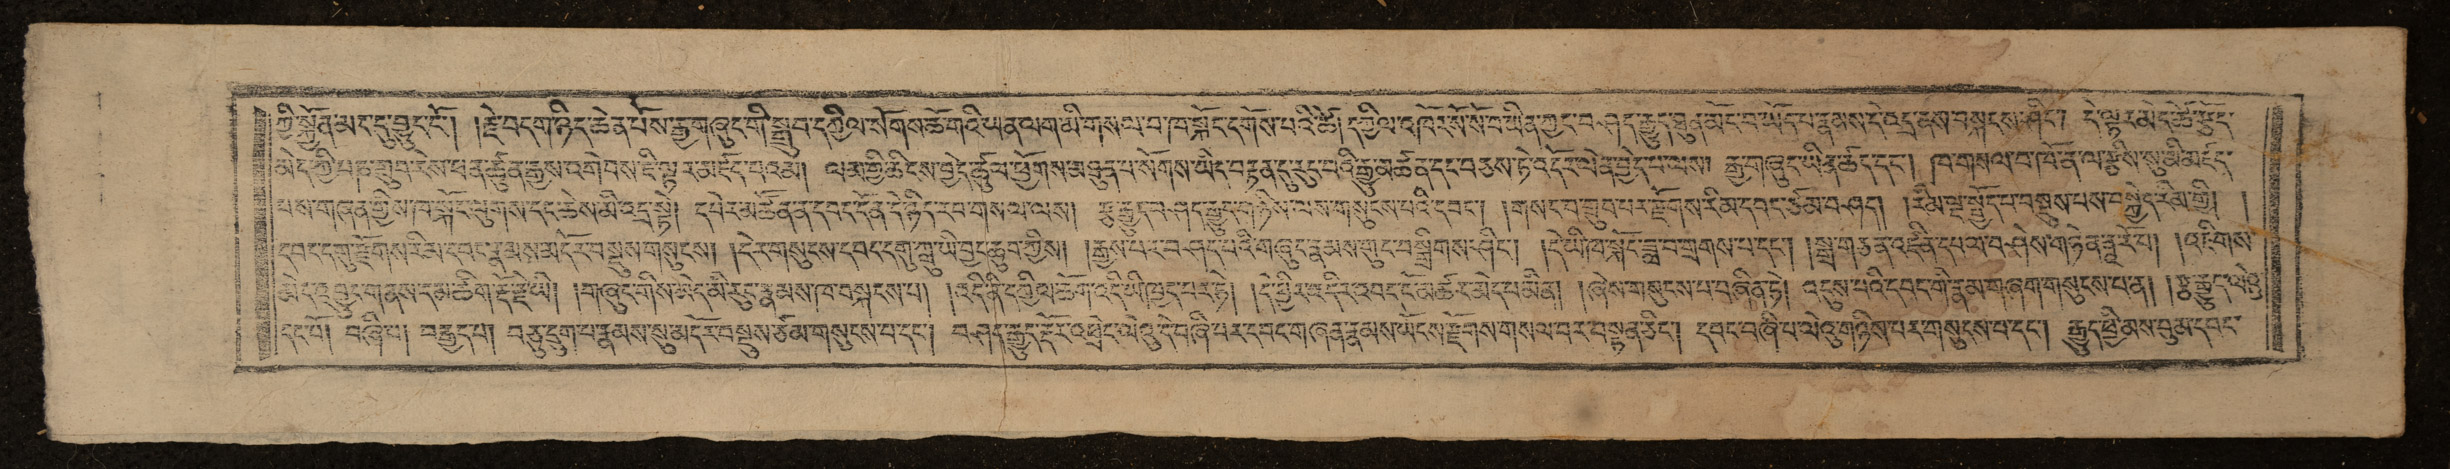ཀྱི་སྐྱོན་མང་དུ་བྱུང་ངོ། །རྗེ་བདག་ཉིད་ཆེན་པོས་རྒྱ་གཞུང་གི་སྒྲུབ་དཀྱིལ་སོགས་ཆོ་གའི་ཡན་ལག་མི་གསལ་བ་ཁ་སྐོང་དགོས་པའི་ཚེ། དཀྱིལ་འཁོར་སོ་སོ་བ་ཡིན་ཀྱང་བཤད་རྒྱུད་ཐུན་མོང་བ་ཡོད་པ་རྣམས་དེ་འདྲ་ནས་བསྐངས་ཤིང་། དེ་ལྟར་མེད་ཚེ་རྩོད་
མེད་ཀྱི་པཎ་གྲུབ་ངེས་ཕན་ཚུན་རྒྱས་འགེབས་ཇི་ལྟར་མཛད་པའམ། ལམ་གྱི་ཆིངས་བྱེད་ཚུལ་ཕྱོགས་མཐུན་པ་སོགས་ཡིད་བརྟན་དུ་རུང་བའི་རྒྱུ་མཚན་དང་བཅས་ཏེ་འདོར་ལེན་བྱེད་པ་ལས། རྒྱ་གཞུང་ཡིན་ཚད་དང་། ཁ་གསལ་བ་ཁོ་ན་ལ་རྩིས་སུ་མི་མཛད་
པས་གཞན་གྱིས་ཁ་སྐོང་ལུགས་དང་ཆེས་མི་འདྲ་སྟེ། དཔེར་མཚོན་ན་དབང་དོན་དེ་ཉིད་རབ་གསལ་ལས། རྩ་རྒྱུད་བཤད་རྒྱུད་གཉིས་ལས་གསུངས་པའི་དབང་། །གསང་བ་གྲུབ་པར་རྫོགས་རིམ་དབང་ཙམ་བཤད། །རིམ་ལྔ་སྤྱོད་པ་བསྡུས་པས་བསྐྱེད་རིམ་གྱི། །
དབང་དགུ་རྫོགས་རིམ་དབང་རྣམས་མདོར་བསྡུས་གསུངས། །དེར་གསུངས་དབང་དགུ་ཀླུ་ཡི་བྱང་ཆུབ་ཀྱིས། །རྒྱས་བར་བཤད་པའི་གཞུང་རྣམས་གུར་བསྒྲིགས་ཤིང་། །དེ་ཡི་ཁ་སྐོང་ཟླ་བ་གྲགས་པ་དང་། །སྒྲ་གཅན་འཛིན་དཔལ་བཤེས་གཉེན་ནཱ་རོ་པ། །འཇིགས་
མེད་འབྱུང་གནས་དམ་ཚིག་རྡོ་རྗེ་ཡི། །གཞུང་གིས་མེད་མི་རུང་རྣམས་ཁ་བསྐངས་པ། །འདི་ནི་དཀྱིལ་ཆོག་འདི་ཡི་ཁྱད་པར་ཏེ། །དེ་ཕྱིར་འདིར་འབད་ངོ་མཚར་མེད་པ་མིན། །ཞེས་གསུངས་བ་བཞིན་ཏེ། འདུས་པའི་དབང་གི་རྣམ་གཞག་གསུངས་པ་ན། རྩ་རྒྱུད་ལེའུ་
དང་པོ། བཞི་པ། བརྒྱད་པ། བཅུ་དྲུག་པ་རྣམས་སུ་མངོར་བསྡུས་ཙམ་གསུངས་པ་དང་། བཤད་རྒྱུད་རྡོར་འཕྲེང་ལེའུ་དེ་བཞི་བར་དབང་གཞན་རྣམས་ཡོངས་རྫོགས་གསལ་བར་བསྟན་ཅིང་། དབང་བཞི་བ་ལེའུ་གཉིས་པར་གསུངས་བ་དང་། རྒྱུད་ཕྱི་མས་བུམ་དབང་